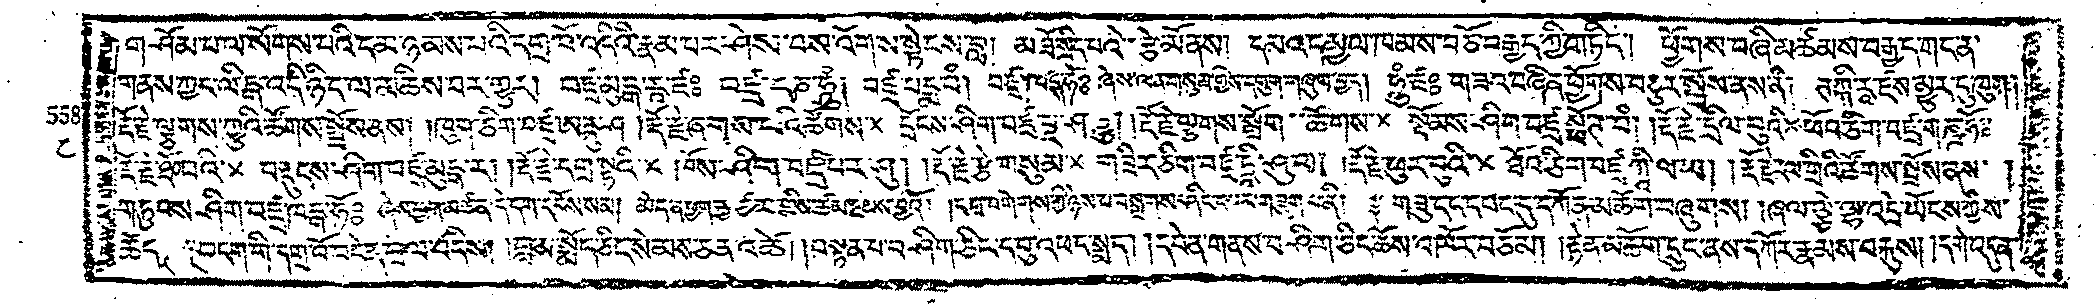གཤོམ་པ་ལ་སོགས་པའི་དམ་ཉམས་པའི་དགྲ་བོ་འདིའི་རྣམ་པར་ཤེས་པས་འོགས་སྟེངས་བླ། །མཐོ་སྲིད་པའི་རྩེ་མོ་ནས། དམའ་དམྱལ་ཁམས་བཅོ་བརྒྱད་ཀྱི་གཏིང་། ཕྱོགས་བཞི་མཚམས་བརྒྱད་གང་ན།
གནས་ཀྱང་ལིངྒ་འདི་ཉིད་ལ་མཆིས་པར་གྱུར། བཛྲ་མུདག་རཱ་ཛཿ བཛྲ་དཎ་ཧཱུཾ། བཛྲ་པདམ་བཾ། བཛྲ་ཁངྒ་ཧོཿཞེས་ལན་གསུམ་གྱིས་དགུག་གཞུག་བྱད།  ཧཱུཾ་ཛཿ གཟའ་བཞིན་ཕྱོགས་བཅུར་སྤྲོས་ནས་ནི། ཌཀྐི་རཱ་ཛས་མྱུར་དུ་ཁུག །
རྡོ་རྗེ་ལྕགས་ཀྱུའི་ཚོགས་སྤྲོས་ནས། །ཁུག་ཅིག་བཛྲ་ཨརྐུ་ཤ་།རྡོ་རྗེ་ཞགས་པའི་ཚོགས་྾་དྲོངས་ཤིག་བཛྲ་པཱ་ཤ་།རྡོ་རྗེ་ལྕགས་སྒྲོག་་་ཚོགས་྾་སྡོན་ཤིག་བཛྲ་སྥོཌ་བཾ། །རྡོ་རྗེ་དྲིལ་བུའི་྾་ཕོབ་ཅིག་བཛྲ་གཎྜ་ཧོཿ
རྡོ་རྗེ་ཐོབ་པའི་྾་བརྡུངས་ཤིག་བཛྲ་མུདག་ར། །རྡོ་རྗེ་དགྲ་སྟའི་྾་།བོས་ཤིག་བཛྲ་བར་ཤུ། །རྡོ་རྗེ་རྩེ་གསུམ་྾་གཟིར་ཅིག་བཛྲ་ཏྲཱི་ཤུལ། །རྡོ་རྗེ་ཕུར་བུའི་྾་ཐོབ་ཅིག་བཛྲ་ཀཱི་ལ་ཡ། །རྡོ་རྗེ་རལ་གྲིའི་ཚོགས་སྤྲོས་ནས་
གཏུབས་ཤིག་བཛྲ་ཁངྒ་ཧོཿ ཞེས་ཕྱག་མཚན་དེ་དག་དངོས་སམ། མེད་ན་ཕྱག་རྒྱ་ཙམ་གྱིས་ཚམ་ཐམས་བྱའོ། །དགྲ་བགེགས་ཀྱི་ཉེས་པ་བསྒྲགས་ཤིང་དཔར་གཟུག་པ་ནི།  འ་གཟུ་ངང་དབང་དུ་དཀོན་མཆོག་བཞུགས། །ཞལ་ལྕེ་ལྷ་འདྲེ་ཡོངས་ཀྱིས་
ཚད༑ ༑བདག་གི་དགྲ་བོ་བདེན་བྲལ་བ་འདིས། །བླ་མ་སྨོད་ཅིང་སེམས་ཅན་འཚེ། །བསྟན་པ་བཤིག་ཅིང་དབུ་འཕད་སྨད། །དབེན་གནས་བཤིག་ཅིང་ཆོས་འཁོར་བ་བཅོམ། །རྟེན་མཆོག་དྲུང་ནས་དཀོར་རྣམས་བརྐུས། །དགེ་འདུན་